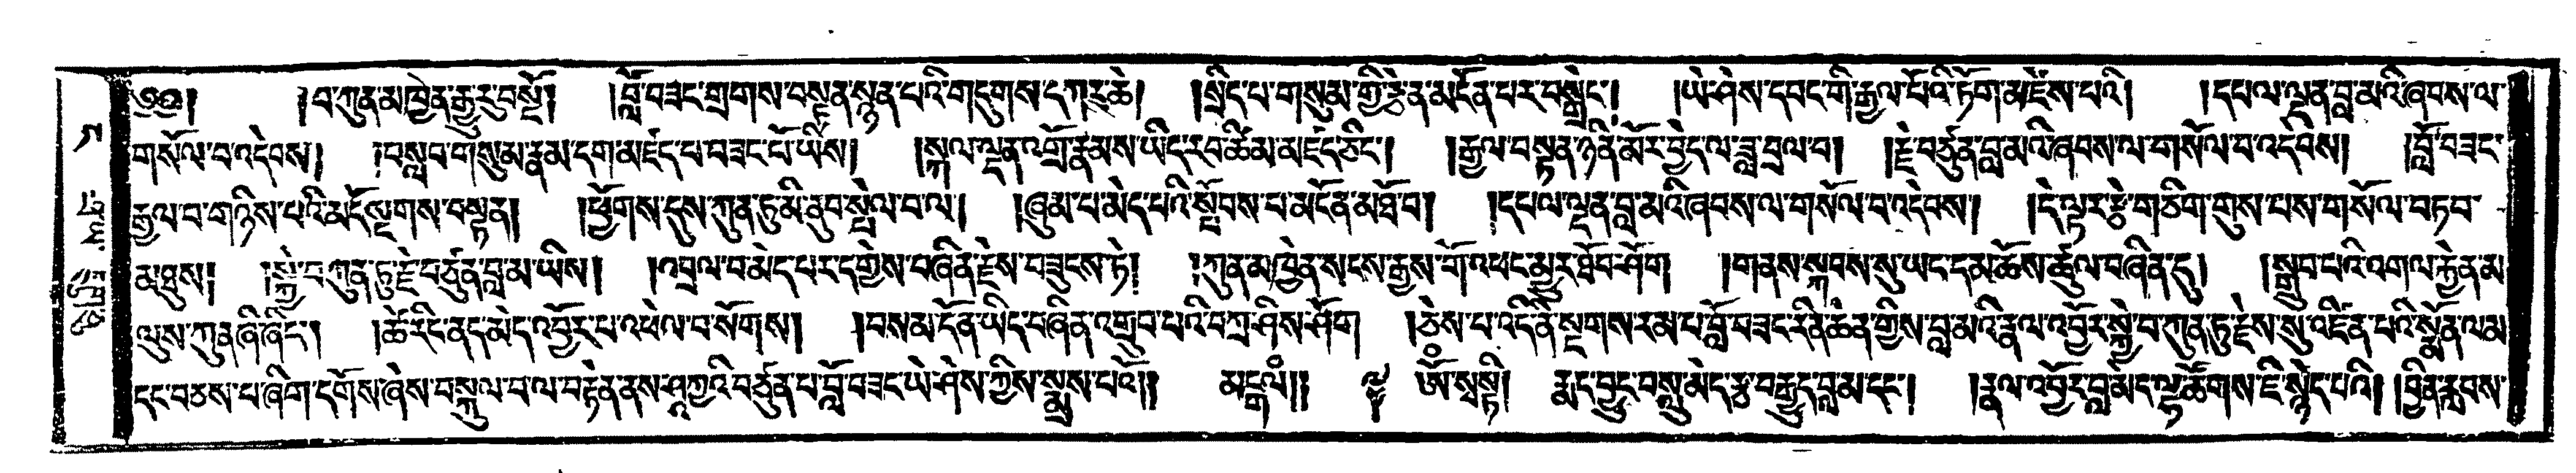༄༅། །བ་ཀུན་མཁྱེན་རྒྱུ་རུ་བསྔོ། །བློ་བཟང་གྲགས་བསྟན་སྙན་པའི་གདུགས་དཀར་ཆེ། །སྲིད་པ་གསུམ་གྱི་རྩེ་ན་མངོན་པར་བསྒྲེང་། །ཡེ་ཤེས་དབང་གི་རྒྱལ་པོའི་ཏོག་མཛེས་པའི། །དཔལ་ལྡན་བླ་མའི་ཞབས་ལ་
གསོལ་བ་འདེབས། །བསླབ་གསུམ་རྣམ་དག་མཛད་པ་བཟང་པོ་ཡིས། །སྐལ་ལྡན་འགྲོ་རྣམས་ཡིད་རབ་ཚིམ་མཛད་ཅིང་། །རྒྱལ་བསྟན་ཉིན་མོར་བྱེད་ལ་ཟླ་བྲལ་བ། །རྗེ་བཙུན་བླ་མའི་ཞབས་ལ་གསོལ་བ་འདེབས། །བློ་བཟང་
རྒྱལ་བ་གཉིས་པའི་མདོ་སྔགས་བསྟན། །ཕྱོགས་དུས་ཀུན་ཏུ་མི་ནུབ་སྤེལ་བ་ལ། །ཞུམ་པ་མེད་པའི་སྤོབས་པ་མངོན་མཐོ་བ། །དཔལ་ལྡན་བླ་མའི་ཞབས་ལ་གསོལ་བ་འདེབས། །དེ་ལྟར་རྩེ་གཅིག་གུས་པས་གསོལ་བཏབ་
མཐུས། །སྐྱེ་བ་ཀུན་ཏུ་རྗེ་བཙུན་བླ་མ་ཡིས། །འབྲལ་བ་མེད་པར་དགྱེས་བཞིན་རྗེས་བཟུངས་ཏེ། །ཀུན་མཁྱེན་སངས་རྒྱས་གོ་འཕང་མྱུར་ཐོབ་ཤོག །གནས་སྐབས་སུ་ཡང་དམ་ཆོས་ཚུལ་བཞིན་དུ། །སྒྲུབ་པའི་འགལ་རྐྱེན་མ་
ལུས་ཀུན་ཞི་ཞིང་། །ཚེ་རིང་ནད་མེད་འབྱོར་པ་འཕེལ་བ་སོགས། །བསམ་དོན་ཡིད་བཞིན་འགྲུབ་པའི་བཀྲ་ཤིས་ཤོག །ཅེས་པ་འདི་ནི་སྔགས་རམ་པ་བློ་བཟང་རིན་ཆེན་གྱིས་བླ་མའི་རྣལ་འབྱོར་སྐྱེ་བ་ཀུན་ཏུ་རྗེས་སུ་འཛིན་པའི་སྨོན་ལམ་
དང་བཅས་པ་ཞིག་དགོས་ཞེས་བསྐུལ་བ་ལ་བརྟེན་ནས་ཤཱཀྱའི་བཙུན་པ་བློ་བཟང་ཡེ་ཤེས་ཀྱིས་སྨྲས་པའོ།། མངྒལཾ།། ༈ ཨོཾ་སྭ་སྟི། རྨང་བྱུང་བསླུ་མེད་རྩ་བརྒྱུད་བླ་མ་དང་། །རྣལ་འབྱོར་བླ་མེད་ལྷ་ཚོགས་ཇི་སྙེད་པའི། །བྱིན་རླབས་